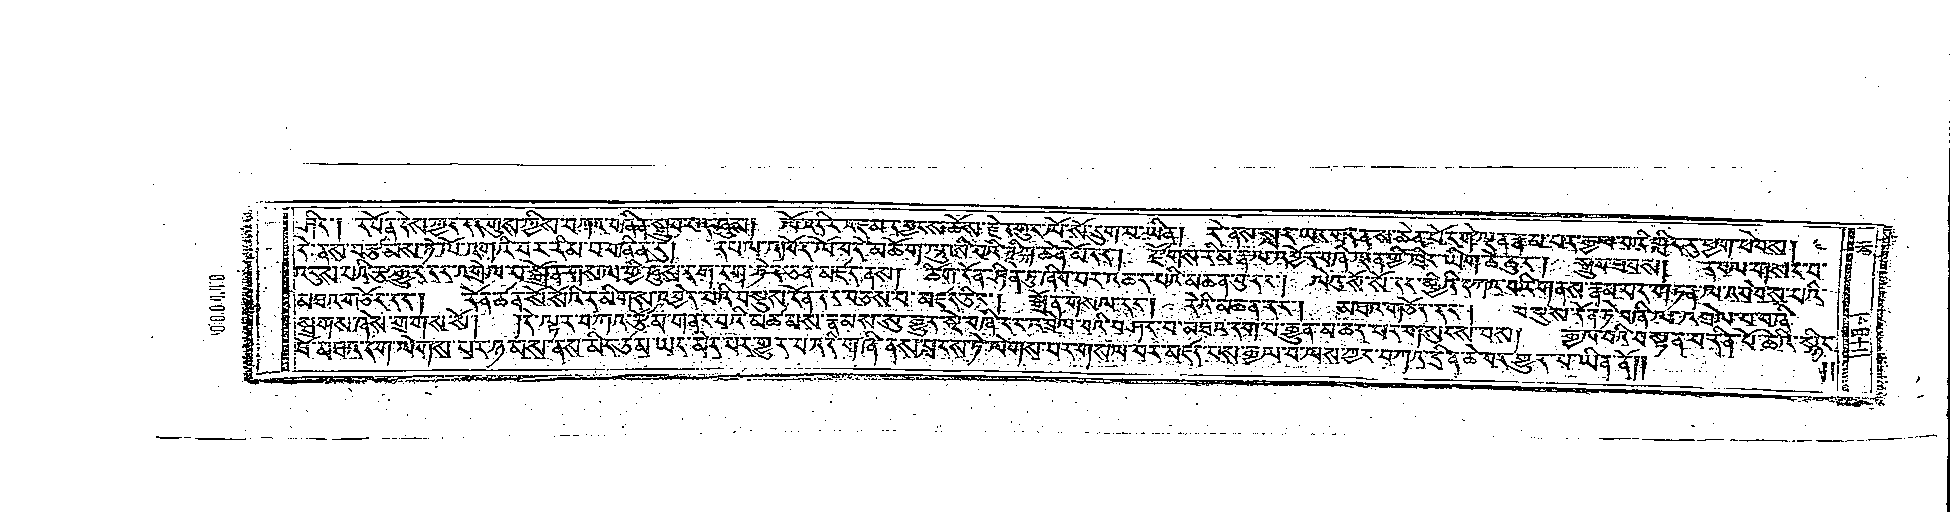ཤིང་། དཔོན་དེས་ཀྱང་དད་གུས་ཀྱིས་བཀའ་བཞིན་སྒྲུབ་པར་ཞུས། ལོ་འདིར་འཇམ་དབྱངས་ཆོས་རྗེ་དགུང་ལོ་སོ་དྲུག་པ་ཡིན། དེ་ནས་སླར་ཡང་གདན་ས་ཆེན་པོ་དགེ་ལྡན་རྣམ་པར་རྒྱལ་བའི་གླིང་དུ་ཕྱག་ཕེབས།
དེ་ནས་བརྩམས་ཏེ་ལོ་འགའི་བར་རིམ་པ་བཞིན་དུ། དཔལ་འཁོར་ལོ་བདེ་མཆོག་ལཱུ་ཨི་བའི་ཊཱིཀྐ་ཆེན་མོ་དང་། རྫོགས་རིམ་རྣལ་འབྱོར་བཞི་ལྡན་གྱི་ཁྲིད་ཡིག་ཆེ་ཆུང་། སྒྲུབ་ཐབས། དཔལ་གསང་བ་
འདུས་པའི་རྩ་རྒྱུད་དང་འགྲེལ་པ་སྒྲོན་གསལ་གྱི་ཞུས་དག་ངག་ཏེར་ཅན་མཛད་ནས། ཚིག་དོན་ཤིན་ཏུ་ཞིབ་པར་འཆད་པའི་མཚན་བུ་དང་། ལེའུ་སོ་སོ་དད་སྤྱིའི་དཀའ་བའི་གནས་རྣམ་པར་གཏན་ལ་འབེབས་པའི་
མཐའ་གཅོད་དང་། དོན་ཚན་སོ་སོའི་དམིགས་འབྱེད་པའི་བསྡུས་དོན་དང་བཅས་པ་མཛད་ཅིང་། སྒྲོན་གསལ་དང་། དེའི་མཚན་དང་། མཐའ་གཅོད་དང་། བསྡུས་དོན་ཏེ་བཞི་ལ་འགྲེལ་པ་བཞི་
སྦྲགས་ཞེས་གྲགས་སོ། །དེ་ལྟར་བཀའ་རྩོམ་གནང་བའི་མཚམས་རྣམས་སུ་རྒྱུད་སྡེ་བཞི་དང་འབྲེལ་བའི་བཤད་པ་མཐའ་དག་པ་རྒྱུན་མ་ཆད་པར་གསུངས་པས། རྒྱལ་པའི་བསྟན་པ་རིན་པོ་ཆེའི་སྙིང་
ཐོ་མཐའ་དག་ལེགས་པས་ཉམས་ནས་མིང་ཙམ་ཡང་མེད་པར་གྱུར་པ་འདི་གཞི་ནས་བླངས་ཏེ་ལེགས་པར་གསལ་བར་མཛད་པས་རྒྱལ་བ་ལས་ཀྱང་བཀའ་དྲིན་ཆེ་བར་གྱུར་པ་ཡིན་ནོ།། །